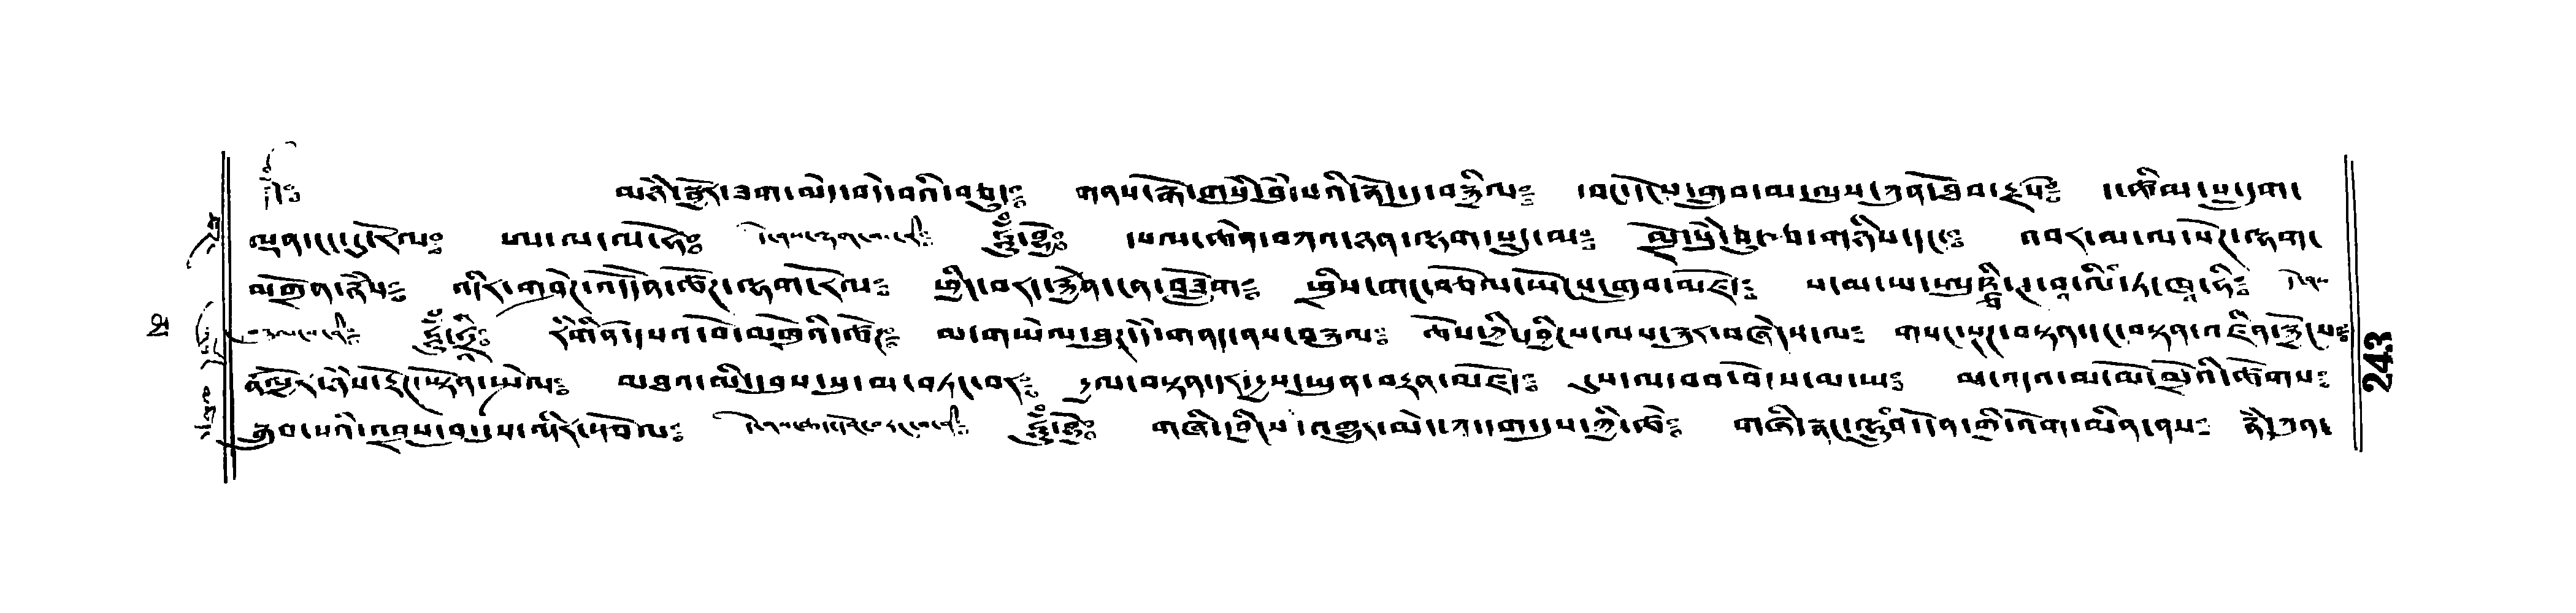མཉམ་སྦྱོར་ཟག་མེད་བདེ་བའི་བཅུད༔ གནས་སྒོ་གསུམ་བུམ་པའི་སྣོད་དུ་བསྐྱིལ༔ དབང་དངོས་གྲུབ་མ་ལུས་ཀུན་ཐོབ་རྫས༔ དེ་ཚིམ་པ་དྲུག་
ལྡན་ངང་དུ་རོལ༔ ཨ་ལ་ལ་ཧོཿ དེ་ནས་ལྷག་མ་ནི༔ ཧཱུྃ་བྷྱོ༔ དཔལ་ཆེན་བཀའ་ཉན་ལྷག་སྡུད་མ༔ མཁའ་འགྲོ་སུམ་ཅུ་རྩ་གཉིས་དང༔ འབར་མ་ལ་སོགས་ལྷག་
མགྲོན་རྣམས༔ འདིར་གཤེགས་འདོད་ཡོན་ཚོགས་ལྷག་རོལ༔ ཕྱི་ནང་བར་ཆད་རྐྱེན་ངན་བཟློག༔ ཕྲིན་ལས་གང་བཅོལ་ཡོངས་གྲུབ་མཛོད༔ ས་མ་ཡ་ཨུ་ཙྪིཥྚ་བཱ་ལིཾ་ཏ་ཁཱ་ཧིཿ དེ་ནས་
བསྐུལ་པ་ནི༔ ཧཱུྃ་ཧྲཱིཿ རིག་འཛིན་དཔའ་བོ་མཁའ་འགྲོའི་ཚོགས༔ མ་གཡེལ་ཐུགས་དམ་གནད་ནས་བསྐུལ༔ ཆོས་ཀྱི་དབྱིངས་ལས་སྐུར་བཞཻངས་ལ༔ གསང་སྔགས་བསྟན་དང་བསྟན་འཛིན་སྐྱོངས༔ 
རྣལ་འབྱོར་ཉམས་རྟོགས་ཡོན་ཏན་སྤེལ༔ མཐའ་མི་དབུས་སུ་མ་བཏང་བར༔ རྒྱལ་བསྟན་དར་རྒྱས་ཡུན་བརྟན་མཛོད༔ དུས་ལ་བབ་བོ་ས་མ་ཡ༔ མ་འདའ་མ་མོ་མཁའ་འགྲོའི་ཚོགས༔ 
སྒྲུབ་པའི་འབྲས་བུ་དུས་འདིར་སྩོལ༔ དེ་ནས་ཆད་དོན་བཏང་བ་ནི༔ ཧཱུྃ་བྷྱོ༔ གཞི་དབྱིངས་འགྱུར་མེད་ཀ་དག་དུས་ཀྱི་ཚེ༔ གཞི་སྣང་ལྷུན་གྲུབ་དོན་གྱི་འོག་མིན་ནས༔ རྣམ་ཀུན་